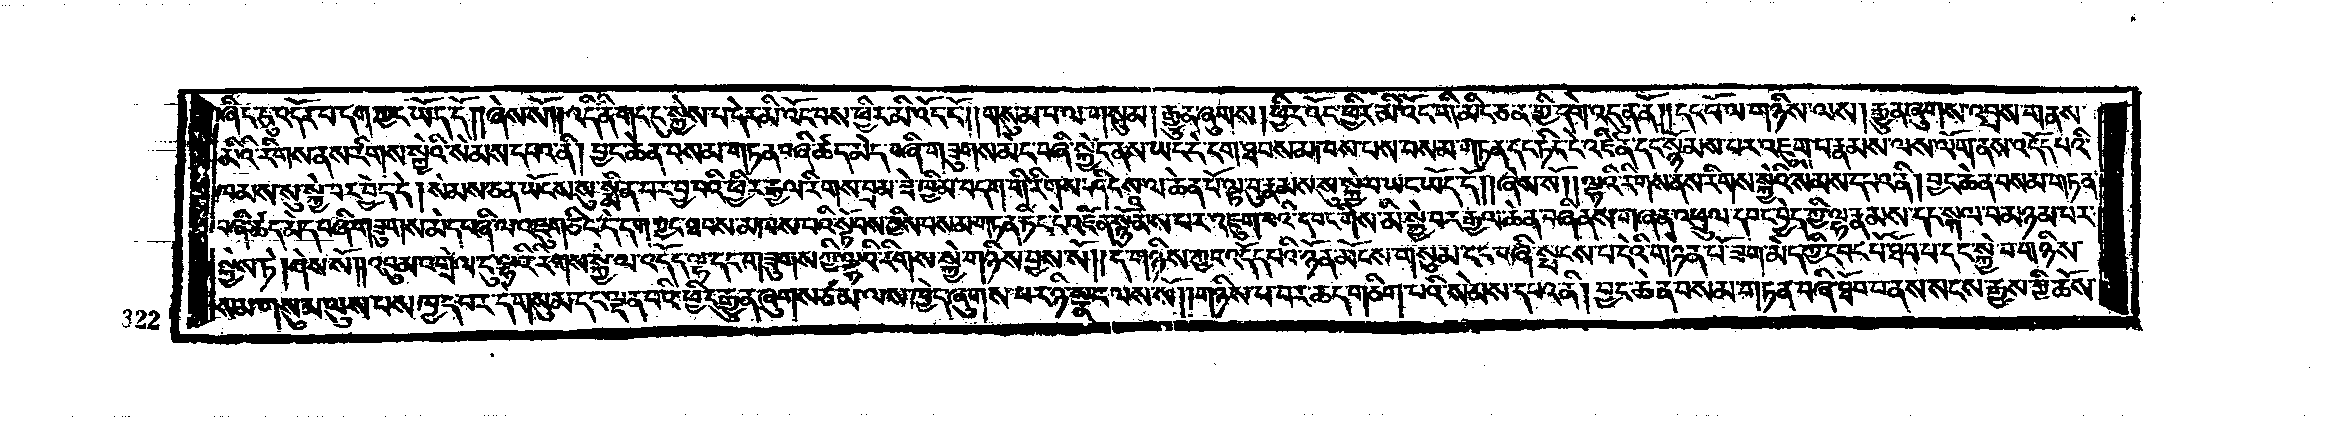ཞིང་དུ་འདོར་བ་དག་ཀྱང་ཡོད་དོ། །ཞེས་སོ། །འདི་ནི་གང་དུ་སྐྱེས་པ་དེར་མི་འོང་བས་ཕྱིར་མི་འོང་ངོ། །གསུམ་པ་ལ་གསུམ། རྒྱུན་ཞུགས། ཕྱིར་འོང་ཕྱིར་མི་འོང་གི་མིང་ཅན་གྱི་དགེ་འདུན་ནོ། །དང་པོ་ལ་གཉིས་ལས། རྒྱུན་ཞུགས་འབྲས་གནས་
མིའི་རིགས་ནས་རིགས་སྐྱེའི་སེམས་དཔའ་ནི། བྱང་ཆེན་བསམ་གཏན་བཞི་ཚད་མེད་བཞི་གཟུགས་མེད་བཞི་སྐྱེད་ནས་ཡང་དེ་དག་ཐབས་མཁས་པས་བསམ་གཏན་དང་ཏིང་ངེ་འཛིན་དང་སྙོམས་པར་འཇུག་པ་རྣམས་ལས་ལོག་ནས་འདོད་པའི་
ཁམས་སུ་སྐྱེ་བར་བྱེད་དེ། སེམས་ཅན་ཡོངས་སུ་སྨིན་པར་བྱ་བའི་ཕྱིར་རྒྱལ་རིགས་བྲམ་ཟེ་ཁྱིམ་བདག་གི་རིགས་ཤིང་སཱ་ལ་ཆེན་པོ་ལྟ་བུ་རྣམས་སུ་སྐྱེ་བ་ཡང་ཡོད་དོ། །ཞེས་སོ། །ལྷའི་རིགས་ནས་རིགས་སྐྱེའི་སེམས་དཔའ་ནི། བྱང་ཆེན་བསམ་གཏན་
བཞི་ཚད་མེད་བཞི་གཟུགས་མེད་བཞི་ལ་འཇུག་ཅིང་དེ་དག་ཀྱང་ཐབས་མཁས་པའི་སྟོབས་ཀྱིས་བསམ་གཏན་ཏིང་ངེ་འཛིན་སྙོམས་པར་འཇུག་པའི་དབང་གིས་མི་སྐྱེ་བར་རྒྱལ་ཆེན་བཞི་ནས་གཞན་འཕྲུལ་དབང་བྱེད་ཀྱི་ལྷ་རྣམས་དང་སྐལ་བ་མཉམ་པར་
སྐྱེས་ཏེ། ཞེས་སོ། །འབུམ་འགྲེལ་དུ་ལྷའི་རིགས་སྐྱེ་ལ་འདོད་ལྷ་དང་གཟུགས་ཀྱི་ལྷའི་རིགས་སྐྱེ་གཉིས་བྱས་སོ། །དེ་གཉིས་ཀྱང་འདོད་པའི་ཉོན་མོངས་གསུམ་དང་བཞི་སྤངས་པ་དེའི་གཉེན་པོ་ཟག་མེད་ཀྱི་དབང་པོ་ཐོབ་པ་དང་སྐྱེ་བ་གཉིས་
སམ་གསུམ་ལུས་པས་ཁྱད་པར་དེ་གསུམ་དང་ལྡན་པའི་ཕྱིར་རྒྱུན་ཞུགས་ཙམ་ལས་ཁྱད་ཞུགས་པར་ཉི་སྣང་ལས་སོ། །གཉིས་པ་བར་ཆད་གཅིག་པའི་སེམས་དཔའ་ནི། བྱང་ཆེན་བསམ་གཏན་བཞི་ཐོབ་པ་ནས་སངས་རྒྱས་ཀྱི་ཆོས་